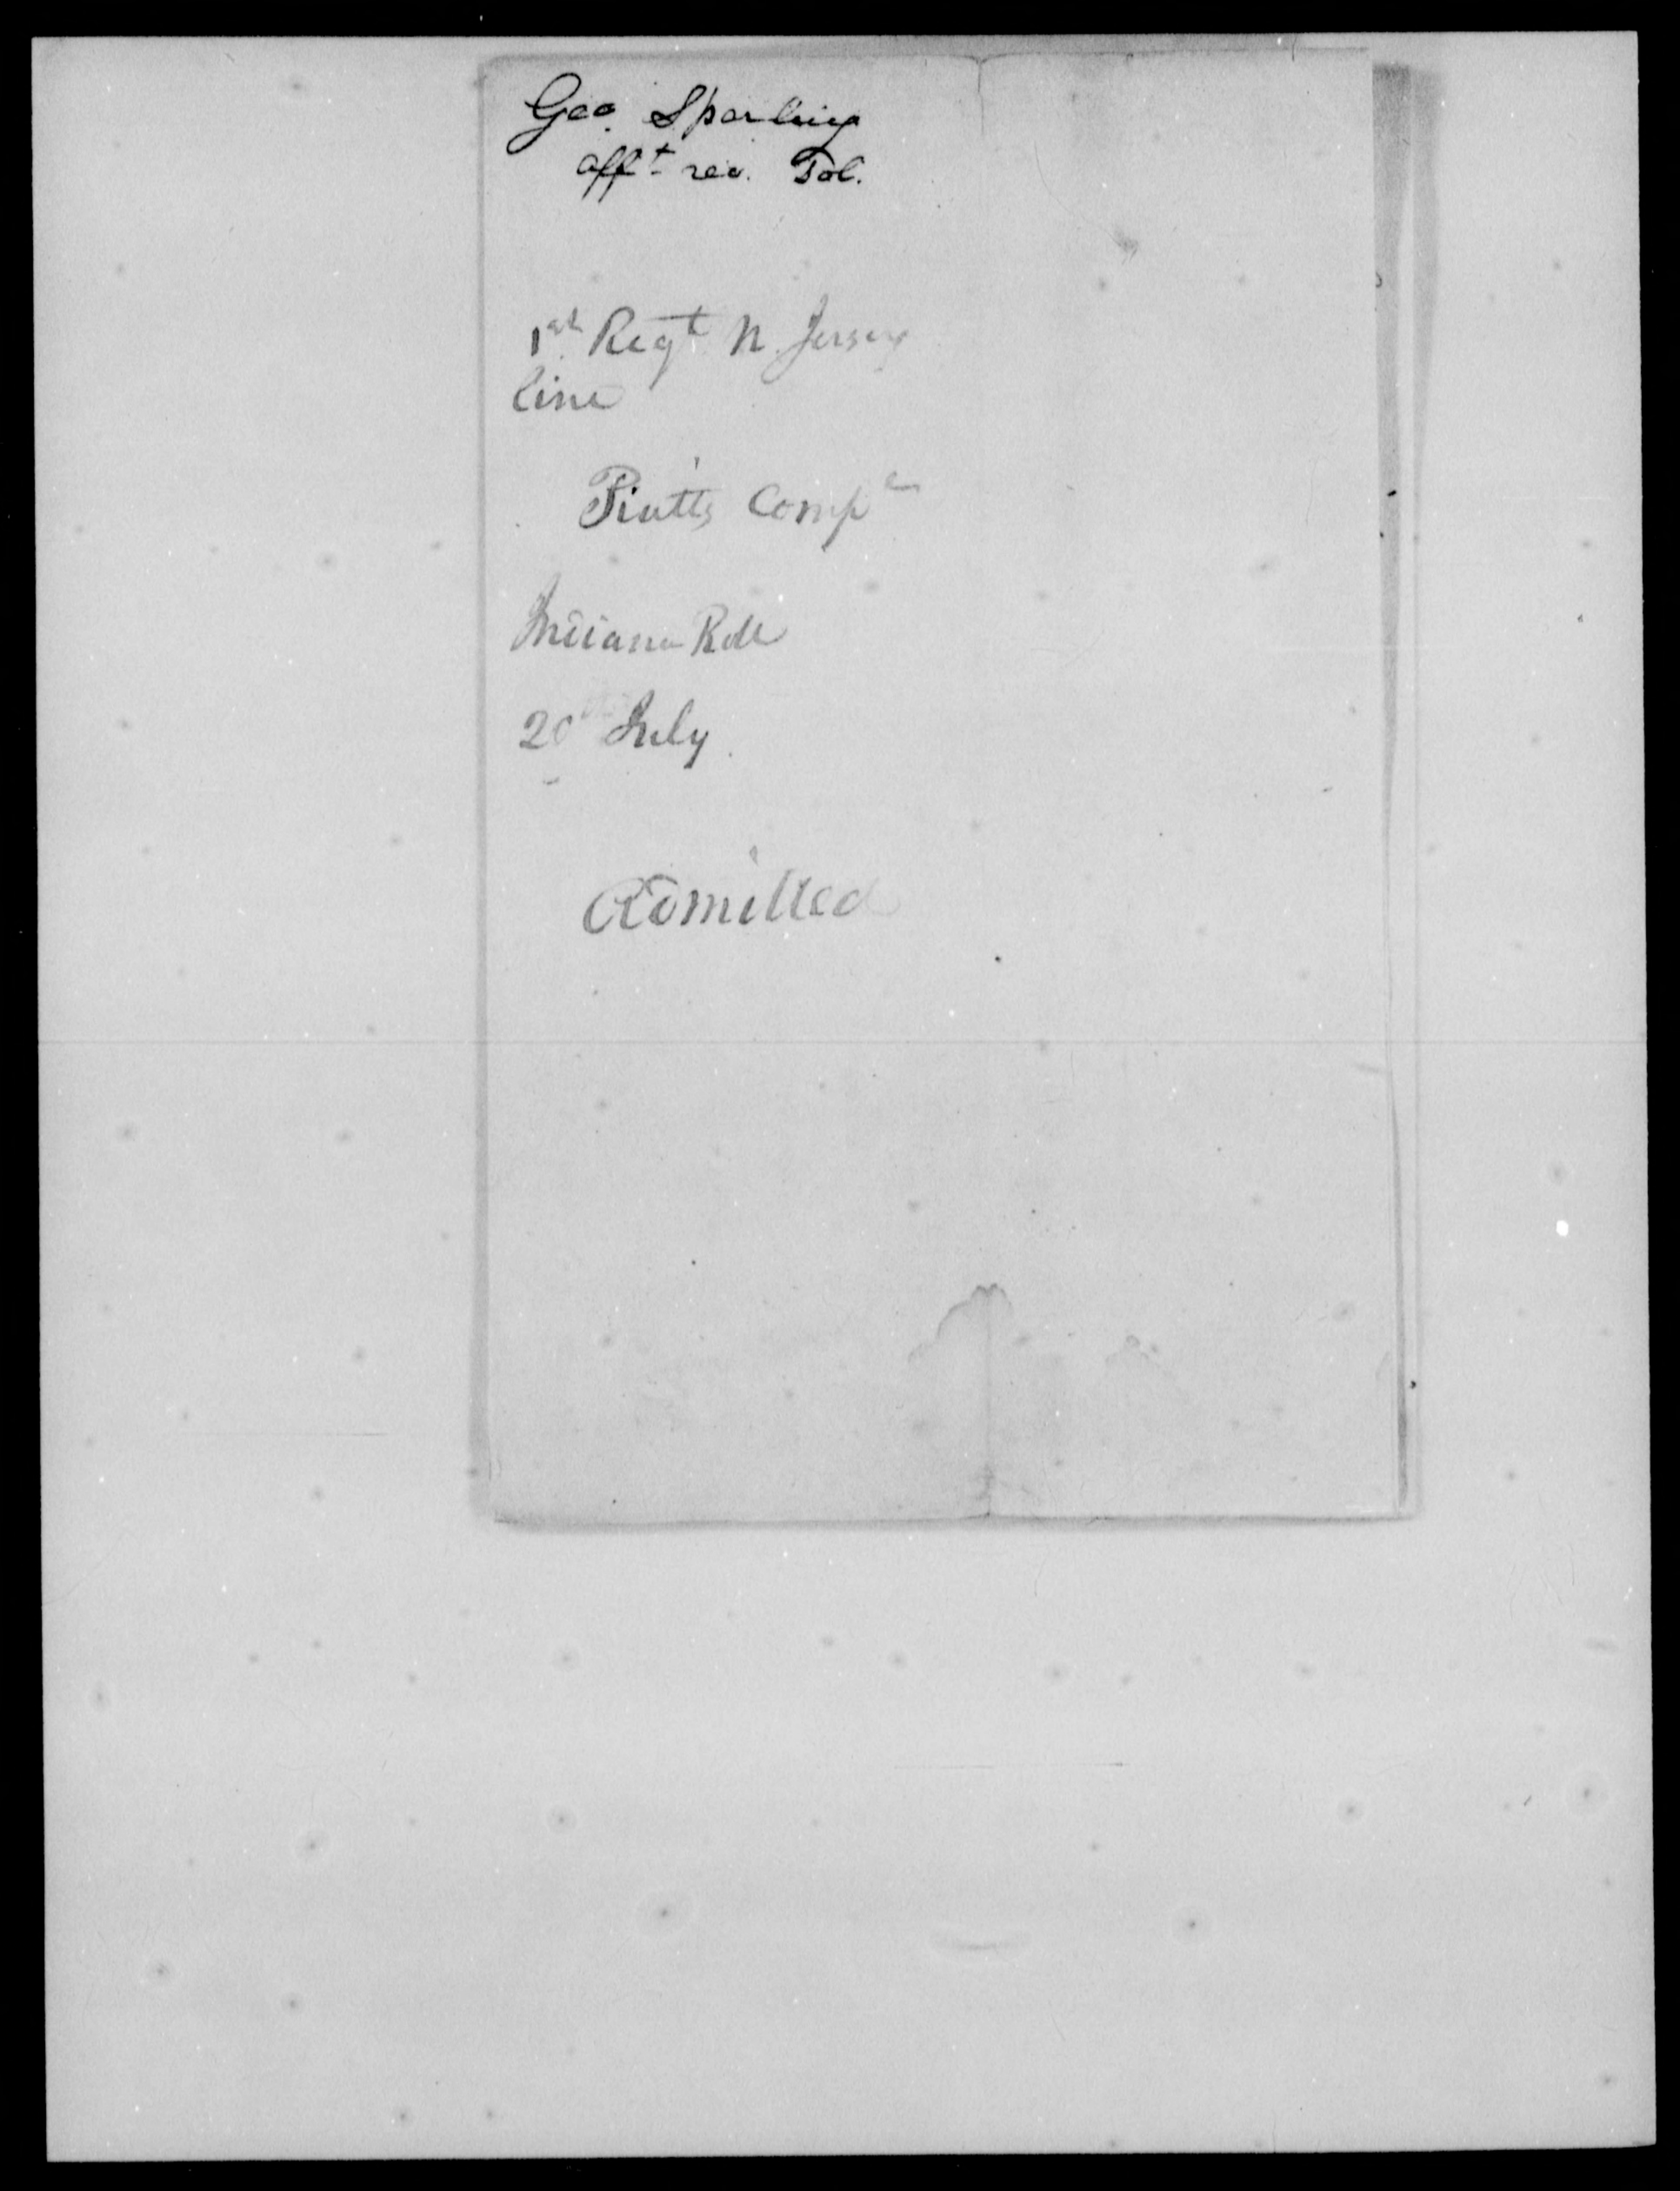Geo. Sparling
afft-rev Sol

1st Regt N. Jersey
line

Piatt's Comp
Indiana Roll
20 July
(illegible)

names: Geo Sparling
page: 4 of 20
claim: survivor's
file: S. 36,783, for George Sparling, New Jersey